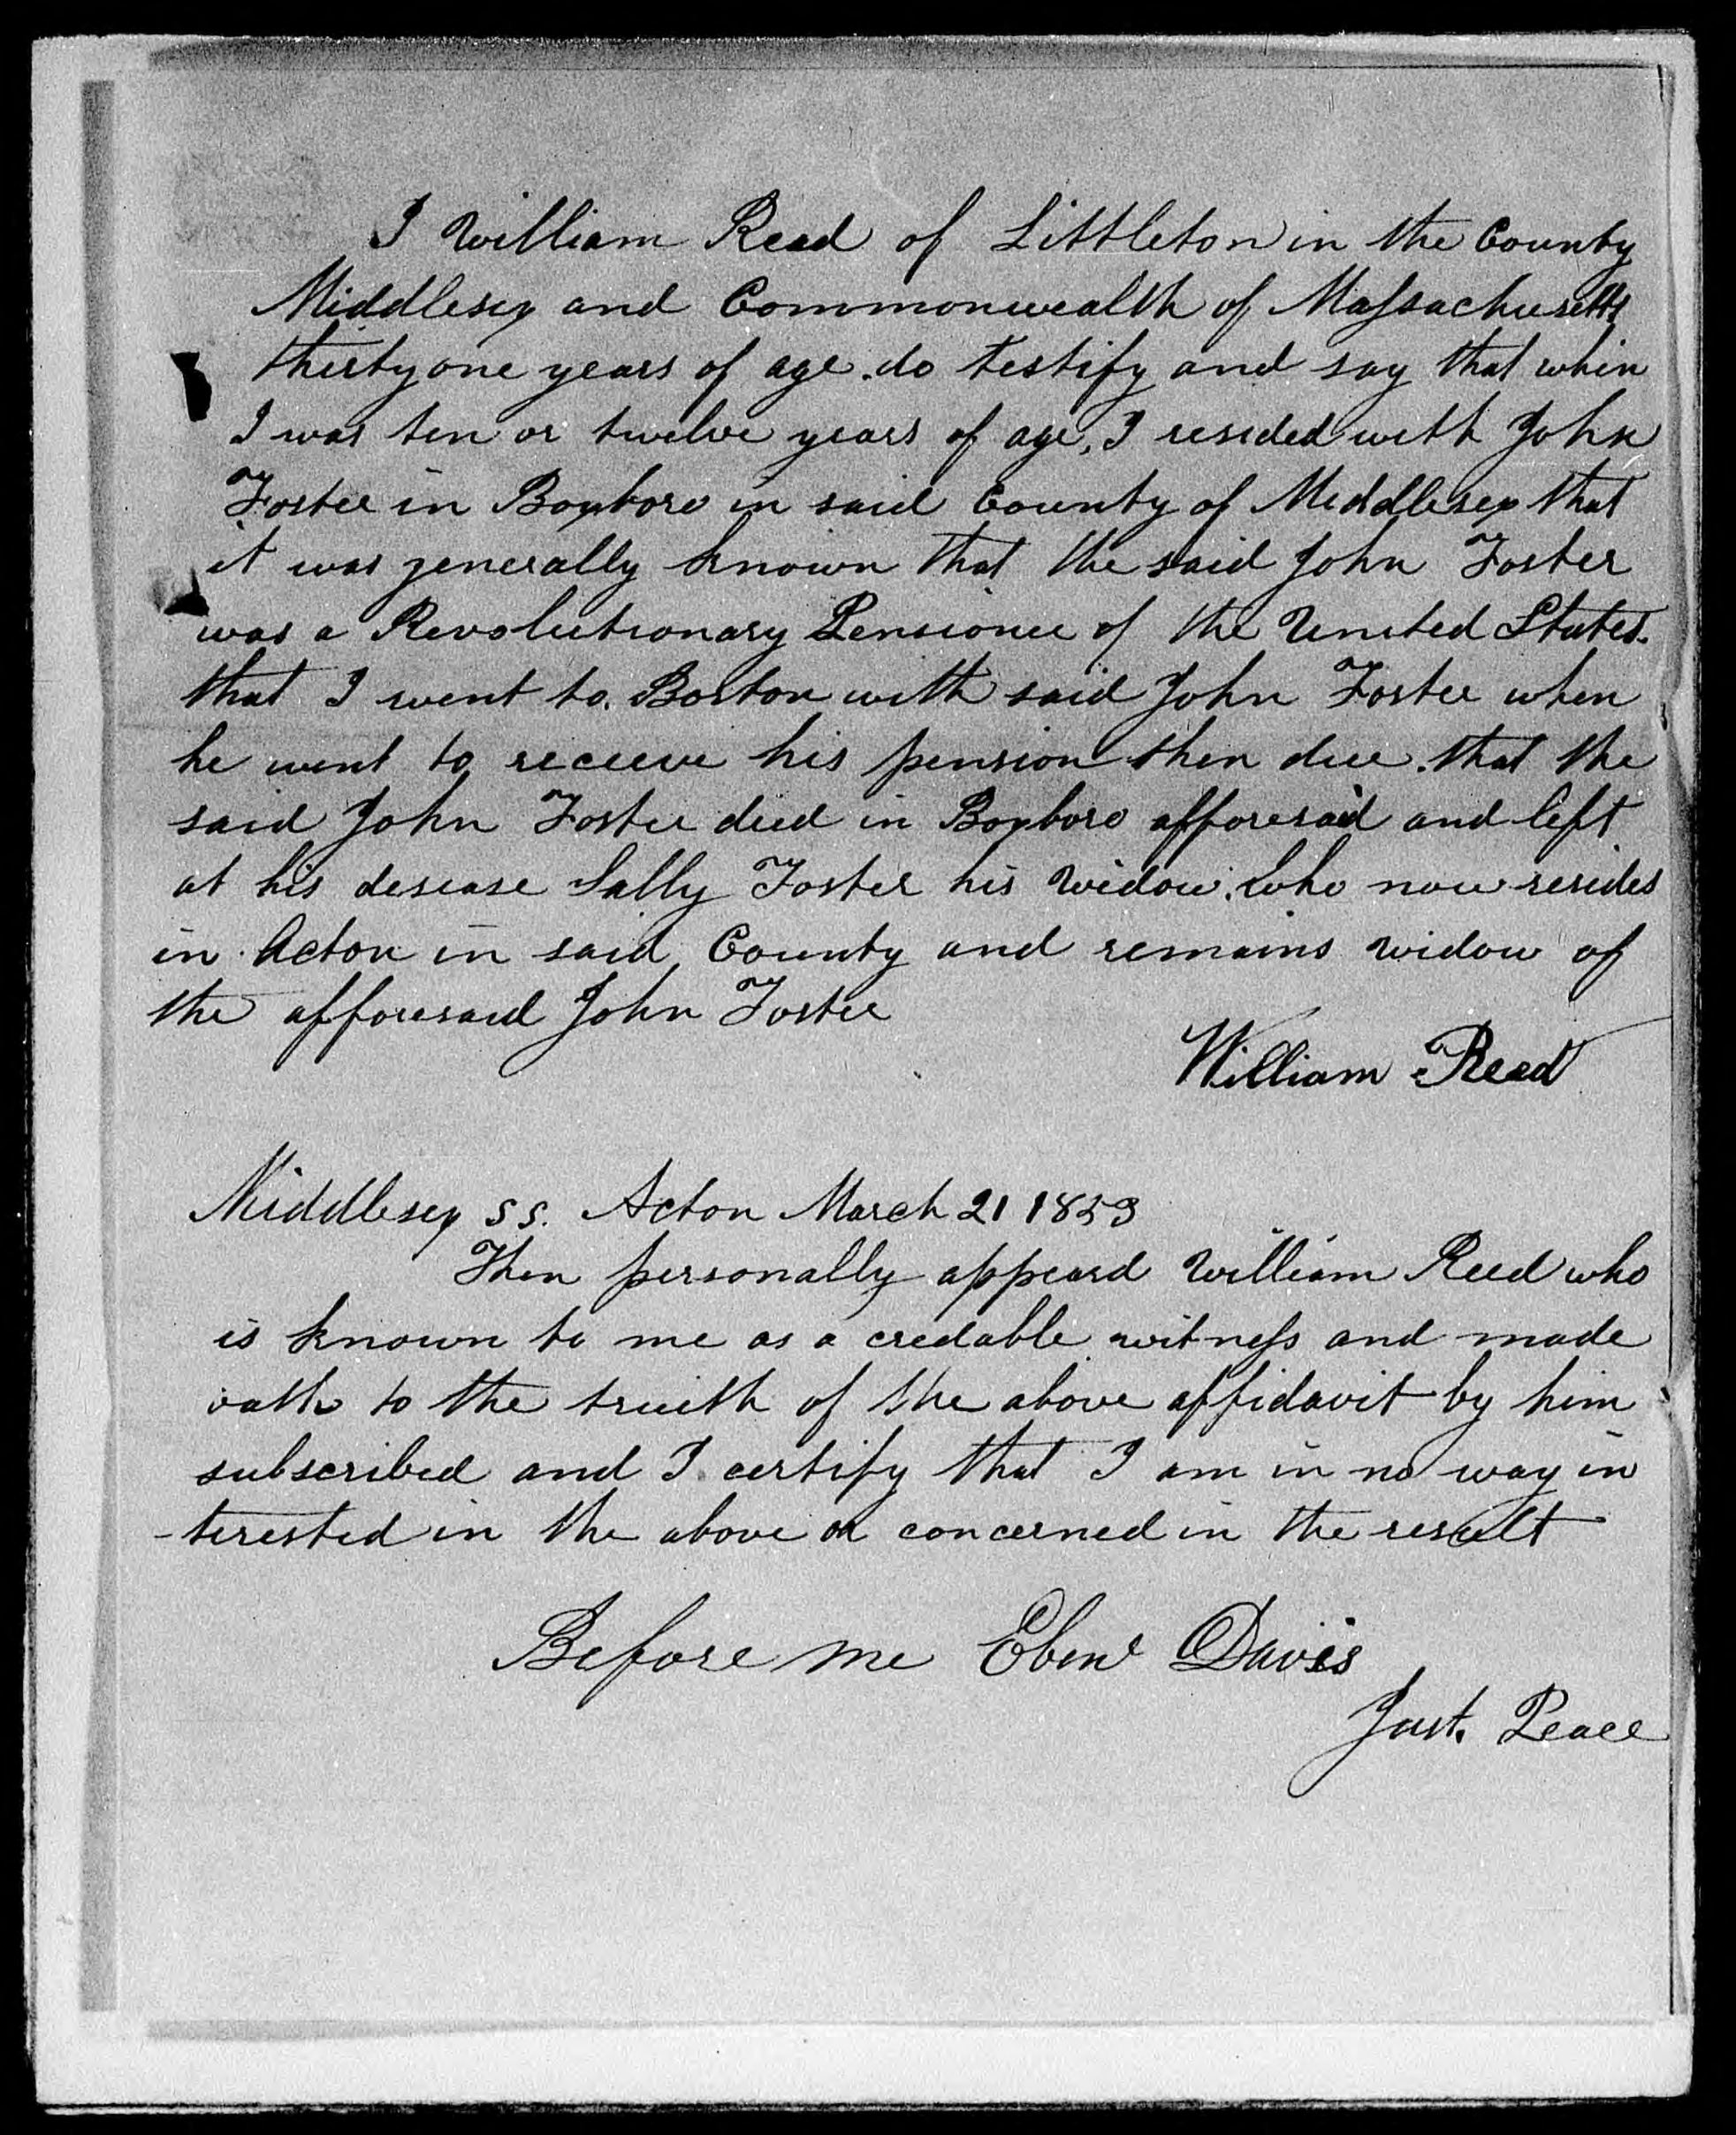I, William Reed, of Littleton in the County Middlesex and Commonwealth of Massachusetts 31 years of age do testify and say that when I was 10 or 12 years of age, I resided with John Foster in Boxboro in said county of Middlesex that it was generally known that the said John Foster was a Revolutionary Pensioner of the United States, that I went to Boston with said John Foster when he went to receive his pension then due that the said John Foster died in Boxboro aforesaid and left at his decease Sally Foster his widow who now resides in Acton in said County and remains widow of the aforesaid John Foster. 
William Reed
Middlesex, Acton, March 21, 1833
Then personally appeared William Reed who is known to me as a credible witness and made oath to the truth of the above affidavit by him subscribed and I certify that I am in no way interested in the above or concerned in the result. 
Before me, Ebenezer Daviis
Justice Peace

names: Ebene Davis, William Reed, John Foster, William Reed, William Reed, John Foster, John Foster, Sally Foster, John Foster, John Foster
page: 34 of 47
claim: widow's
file: W. 7,302, John Foster, Continental Mass. R.I.